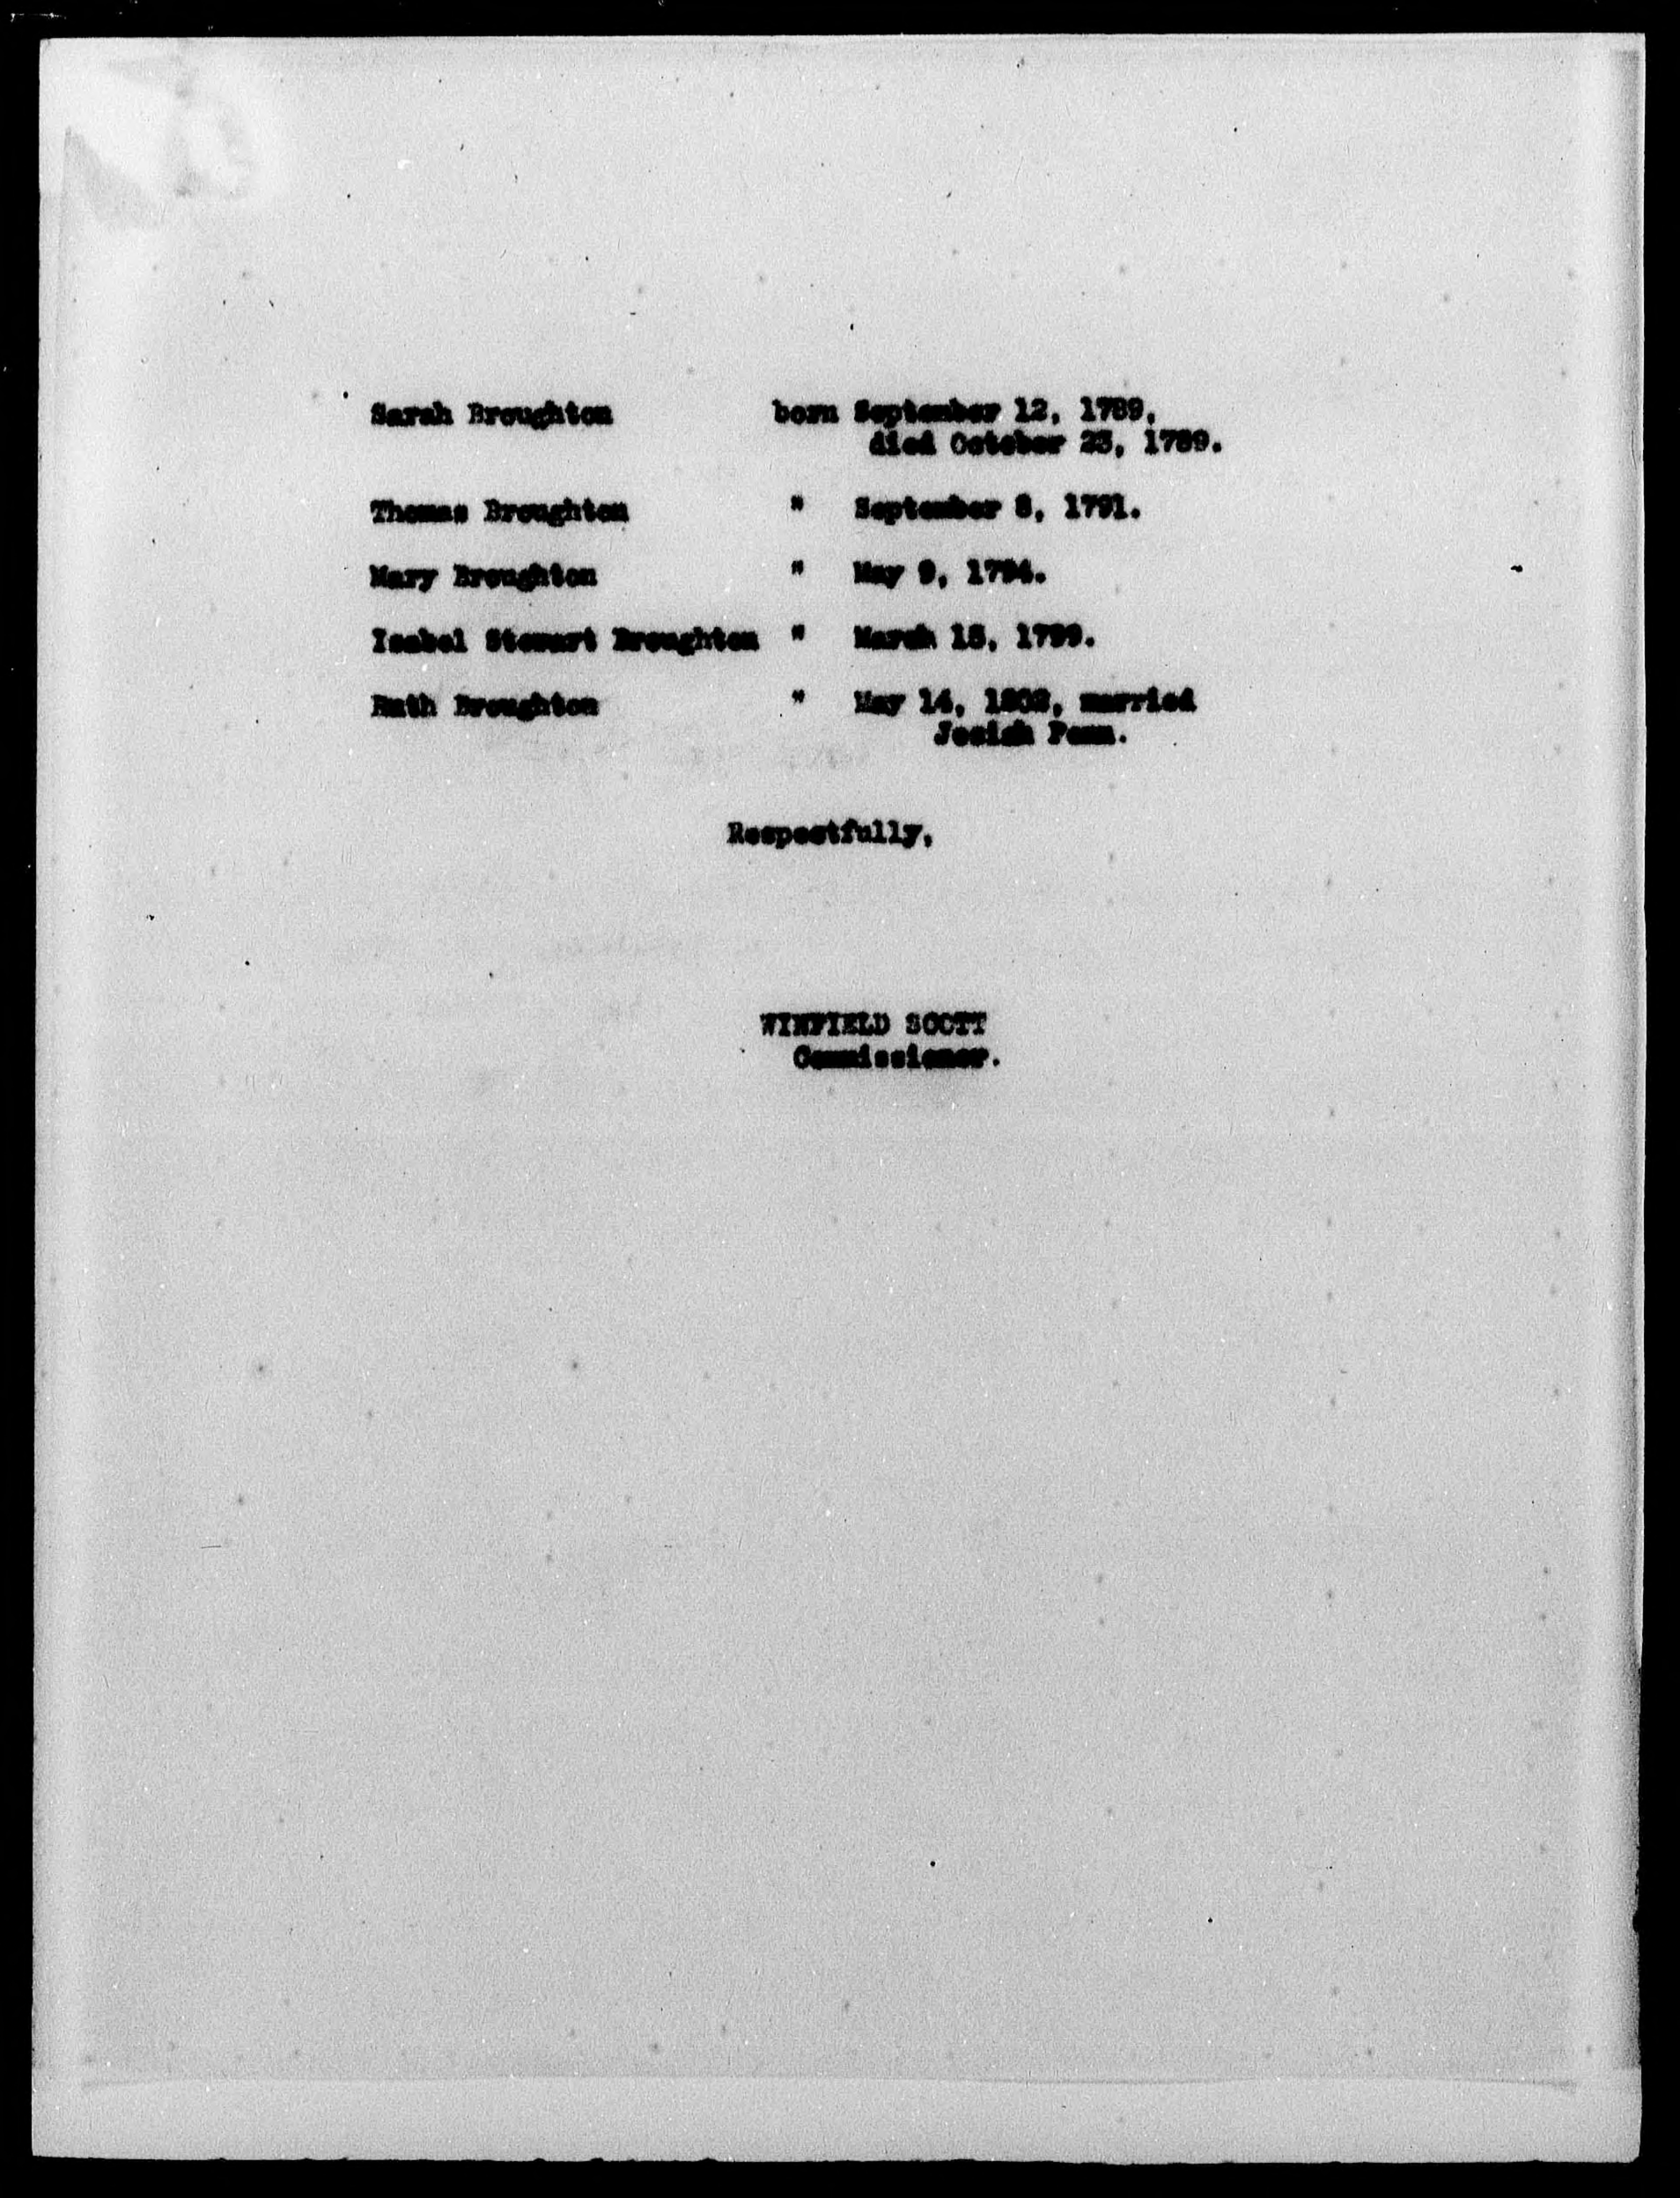Sarah Broughton                born September 12, 1789
                                                           died October 25, 1789.
Thomas Broughton               "  September 8, 1791.
Mary Broughton                     "  May 9, 1794.
Isabel Stewart Broughton   "  March 18, 1799.
Ruth Broughton                     "   May 14, 1802, married
                                                                       Jesiah Penn.


Respectfully,

Winfield Scott
Commissioner .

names: Mary Broughton, Ruth Broughton, Winfield Scott, Thomas Broughton, Sarah Broughton, Isabel Stewart Broughton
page: 28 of 72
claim: widow's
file: W. 897, Thomas Broughton, S.C.